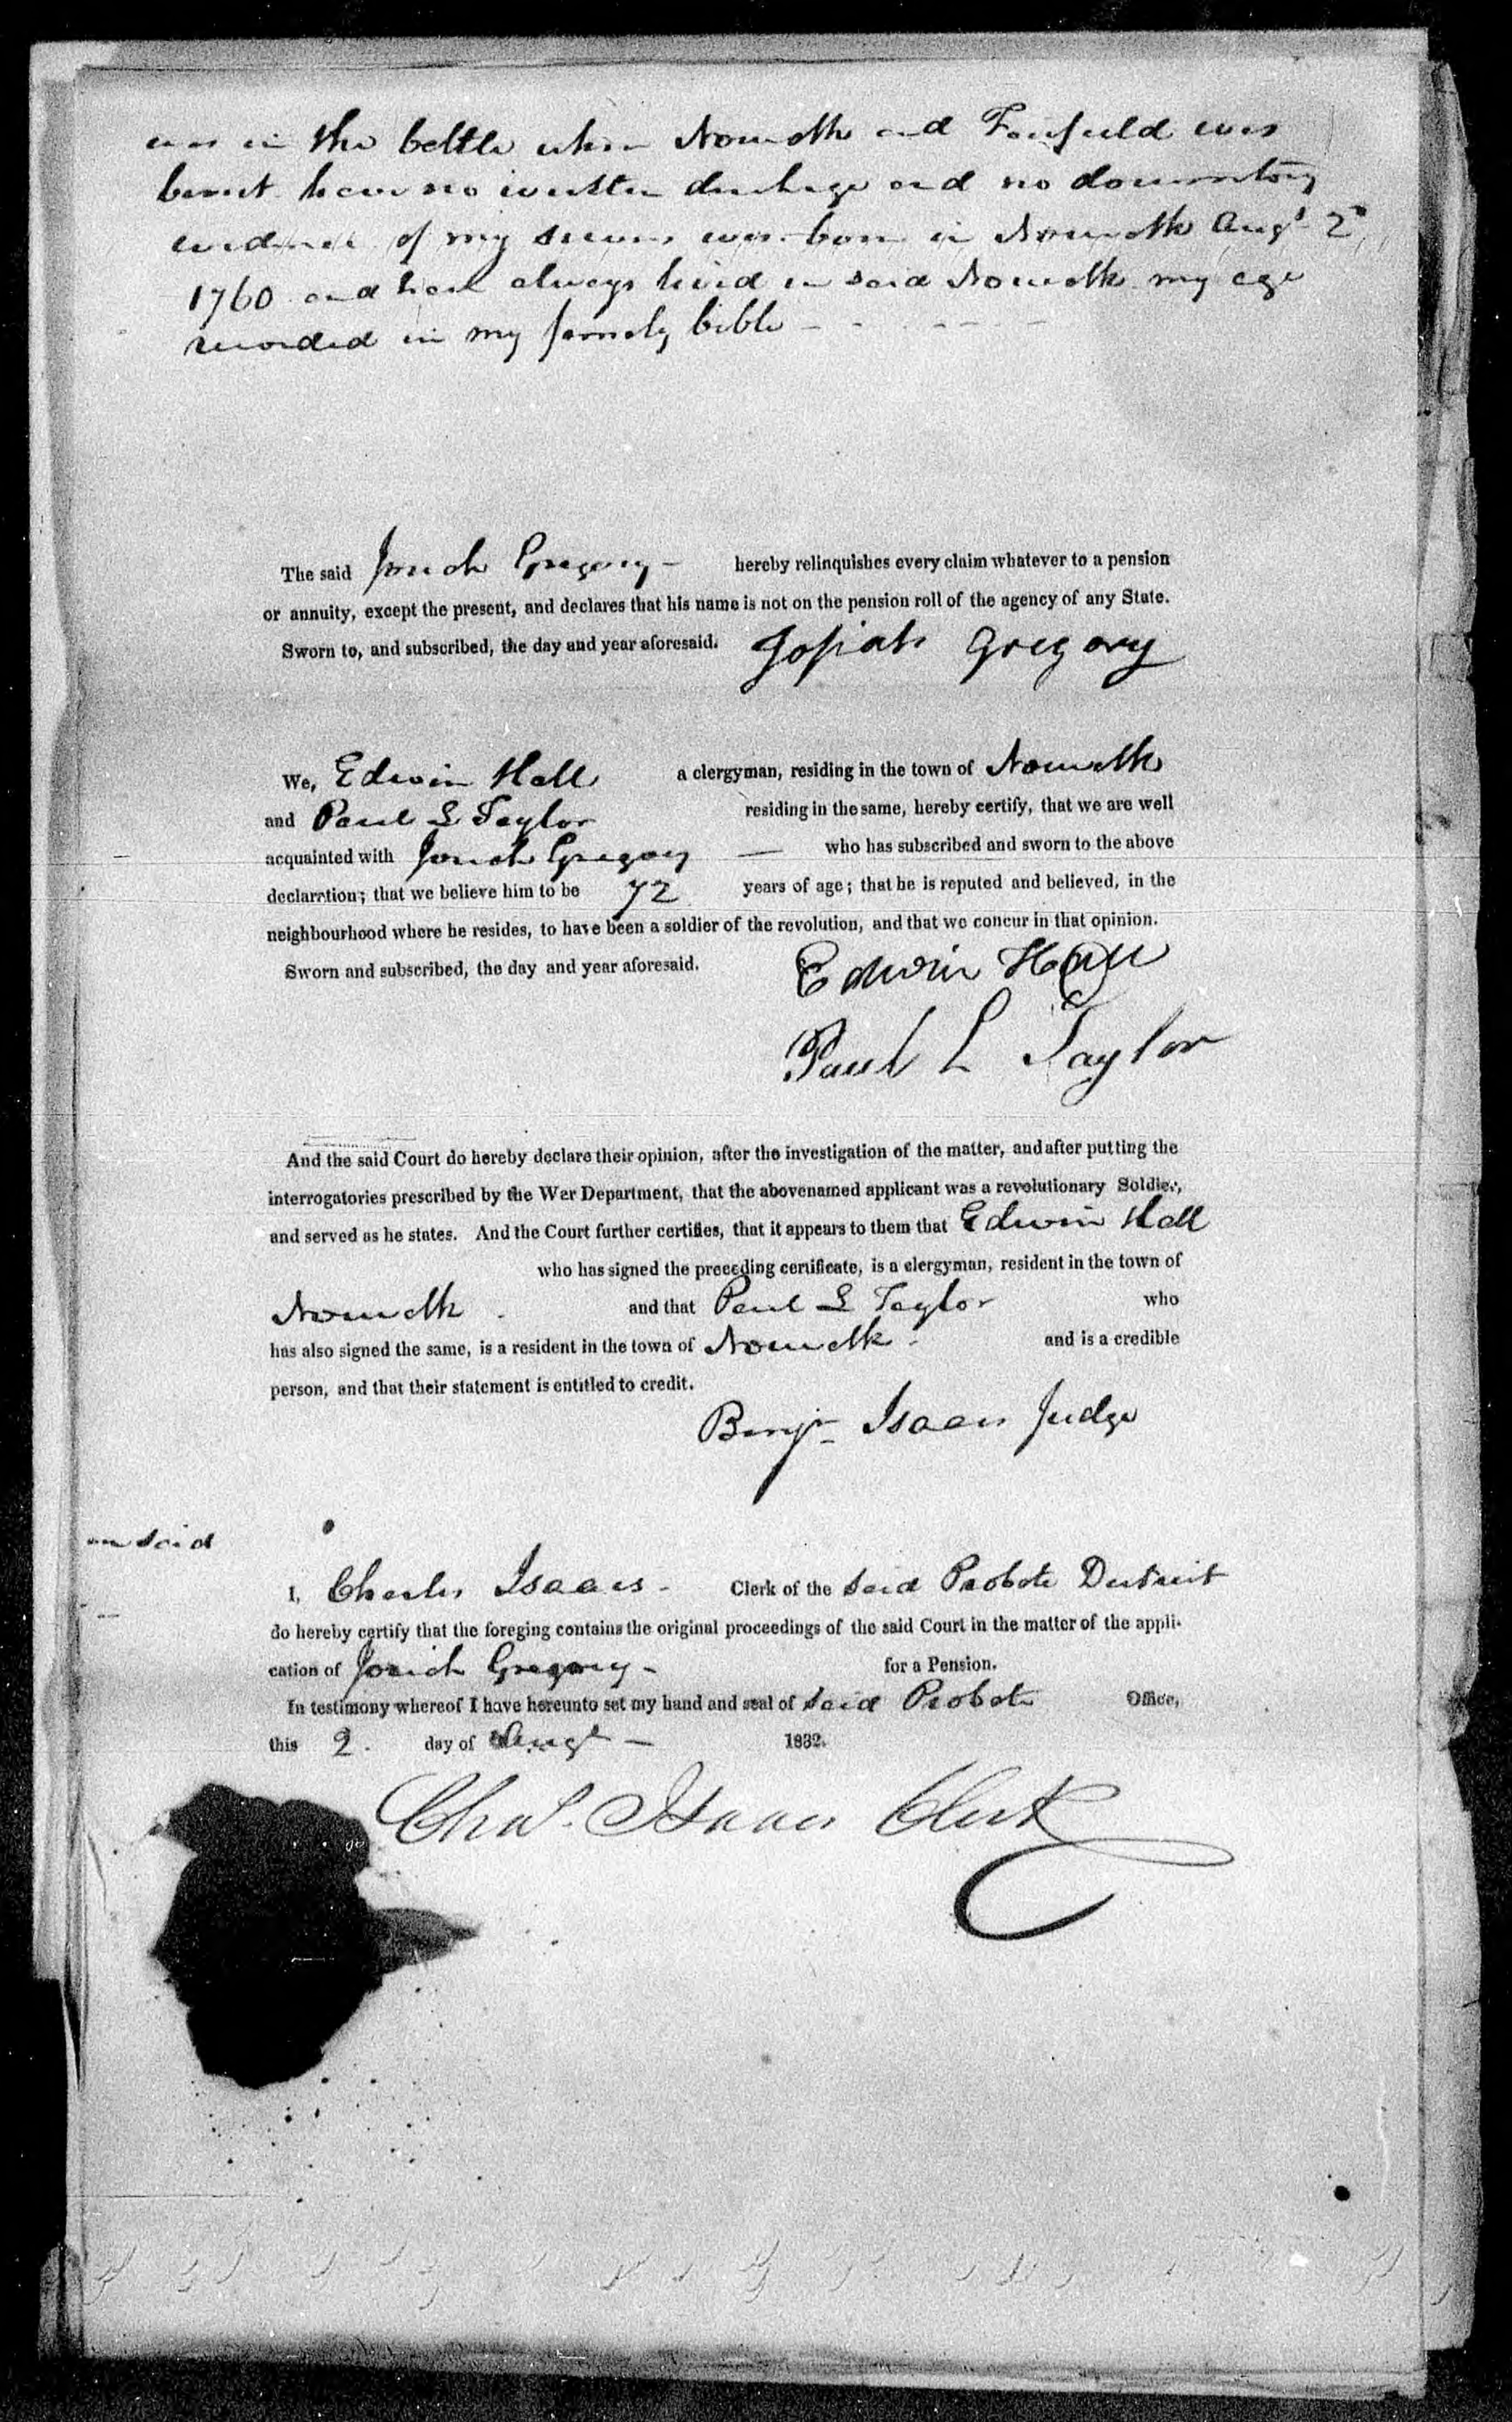was in the battle when Norwalk and Fairfield was burnt have no written discharge and no documentary evidence of my service was born in Norwalk Augt. 2d 1760 and have always lived in said Norwalk my age recorded in my family bible ----

The said Josiah Gregory hereby relinquishes every claim whatever to a pension or annuity, except the present, and declares that his name is not on the pension roll of  the agency of any State.
Sworn to, and subscribed, the day and year aforesaid. 
         [Signed]  Josiah Gregory

We, Edwin Hall a clergyman, residing on the town of Norwalk and Paul L. Taylor residing in the same, hereby certify, that we are well acquainted with Josiah Gregory - who has subscribed and sworn to the above declaration; that we believe him to be 72 years of age; that he is reputed and believed, in the neighborhood where he resides, to have been a soldier of the revolution, and that we concur in that opinion,

Sworn and subscribed, the day and year aforesaid.
          [Signed]  Edwin Hall
                          Paul L. Taylor

And the said Court do hereby declare their opinion, after the investigation of the matter, and after putting the interrogatories prescribed by the War Department, that the above applicant was a revolutionary Soldier, and served as he states.  And the Court further certifies that it appears to them that Edwin Hall who has signed the preceding certificate, is a clergyman, resident in the town of Norwalk and that Paul L. Taylor who has also signed the same, is a resident in the town of Norwalk, and is a credible person, and that their statement is entitled to credit.
           [Signed] Benjn.  Isaacs Judge

1. Charles Isaacs Clerk of the said Probate District do hereby certify that the foregoing contains the original proceedings of the said Court in the matter of the application of Josiah Gregory - for a Pension.
   In testimony whereof I have hereto set my hand and the seal of sad Probate Office, this 2 day of Augt - 1832.
              [Signed] Chas. Isaacs  Clerk

[Seal affixed, lower left of page]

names: Edwin Hall, Paul L Taylor, Chas Isaacs, Paul L Taylor, Benjn Isaacs, Josiah Gregory, Josiah Gregory, Josiah Gregory, Edwin Hall, Edwin Hall, Josiah Gregory, Charles Isaacs, Paul L Taylor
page: 5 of 49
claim: widow's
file: W 24308, Josiah Gregory, Conn.